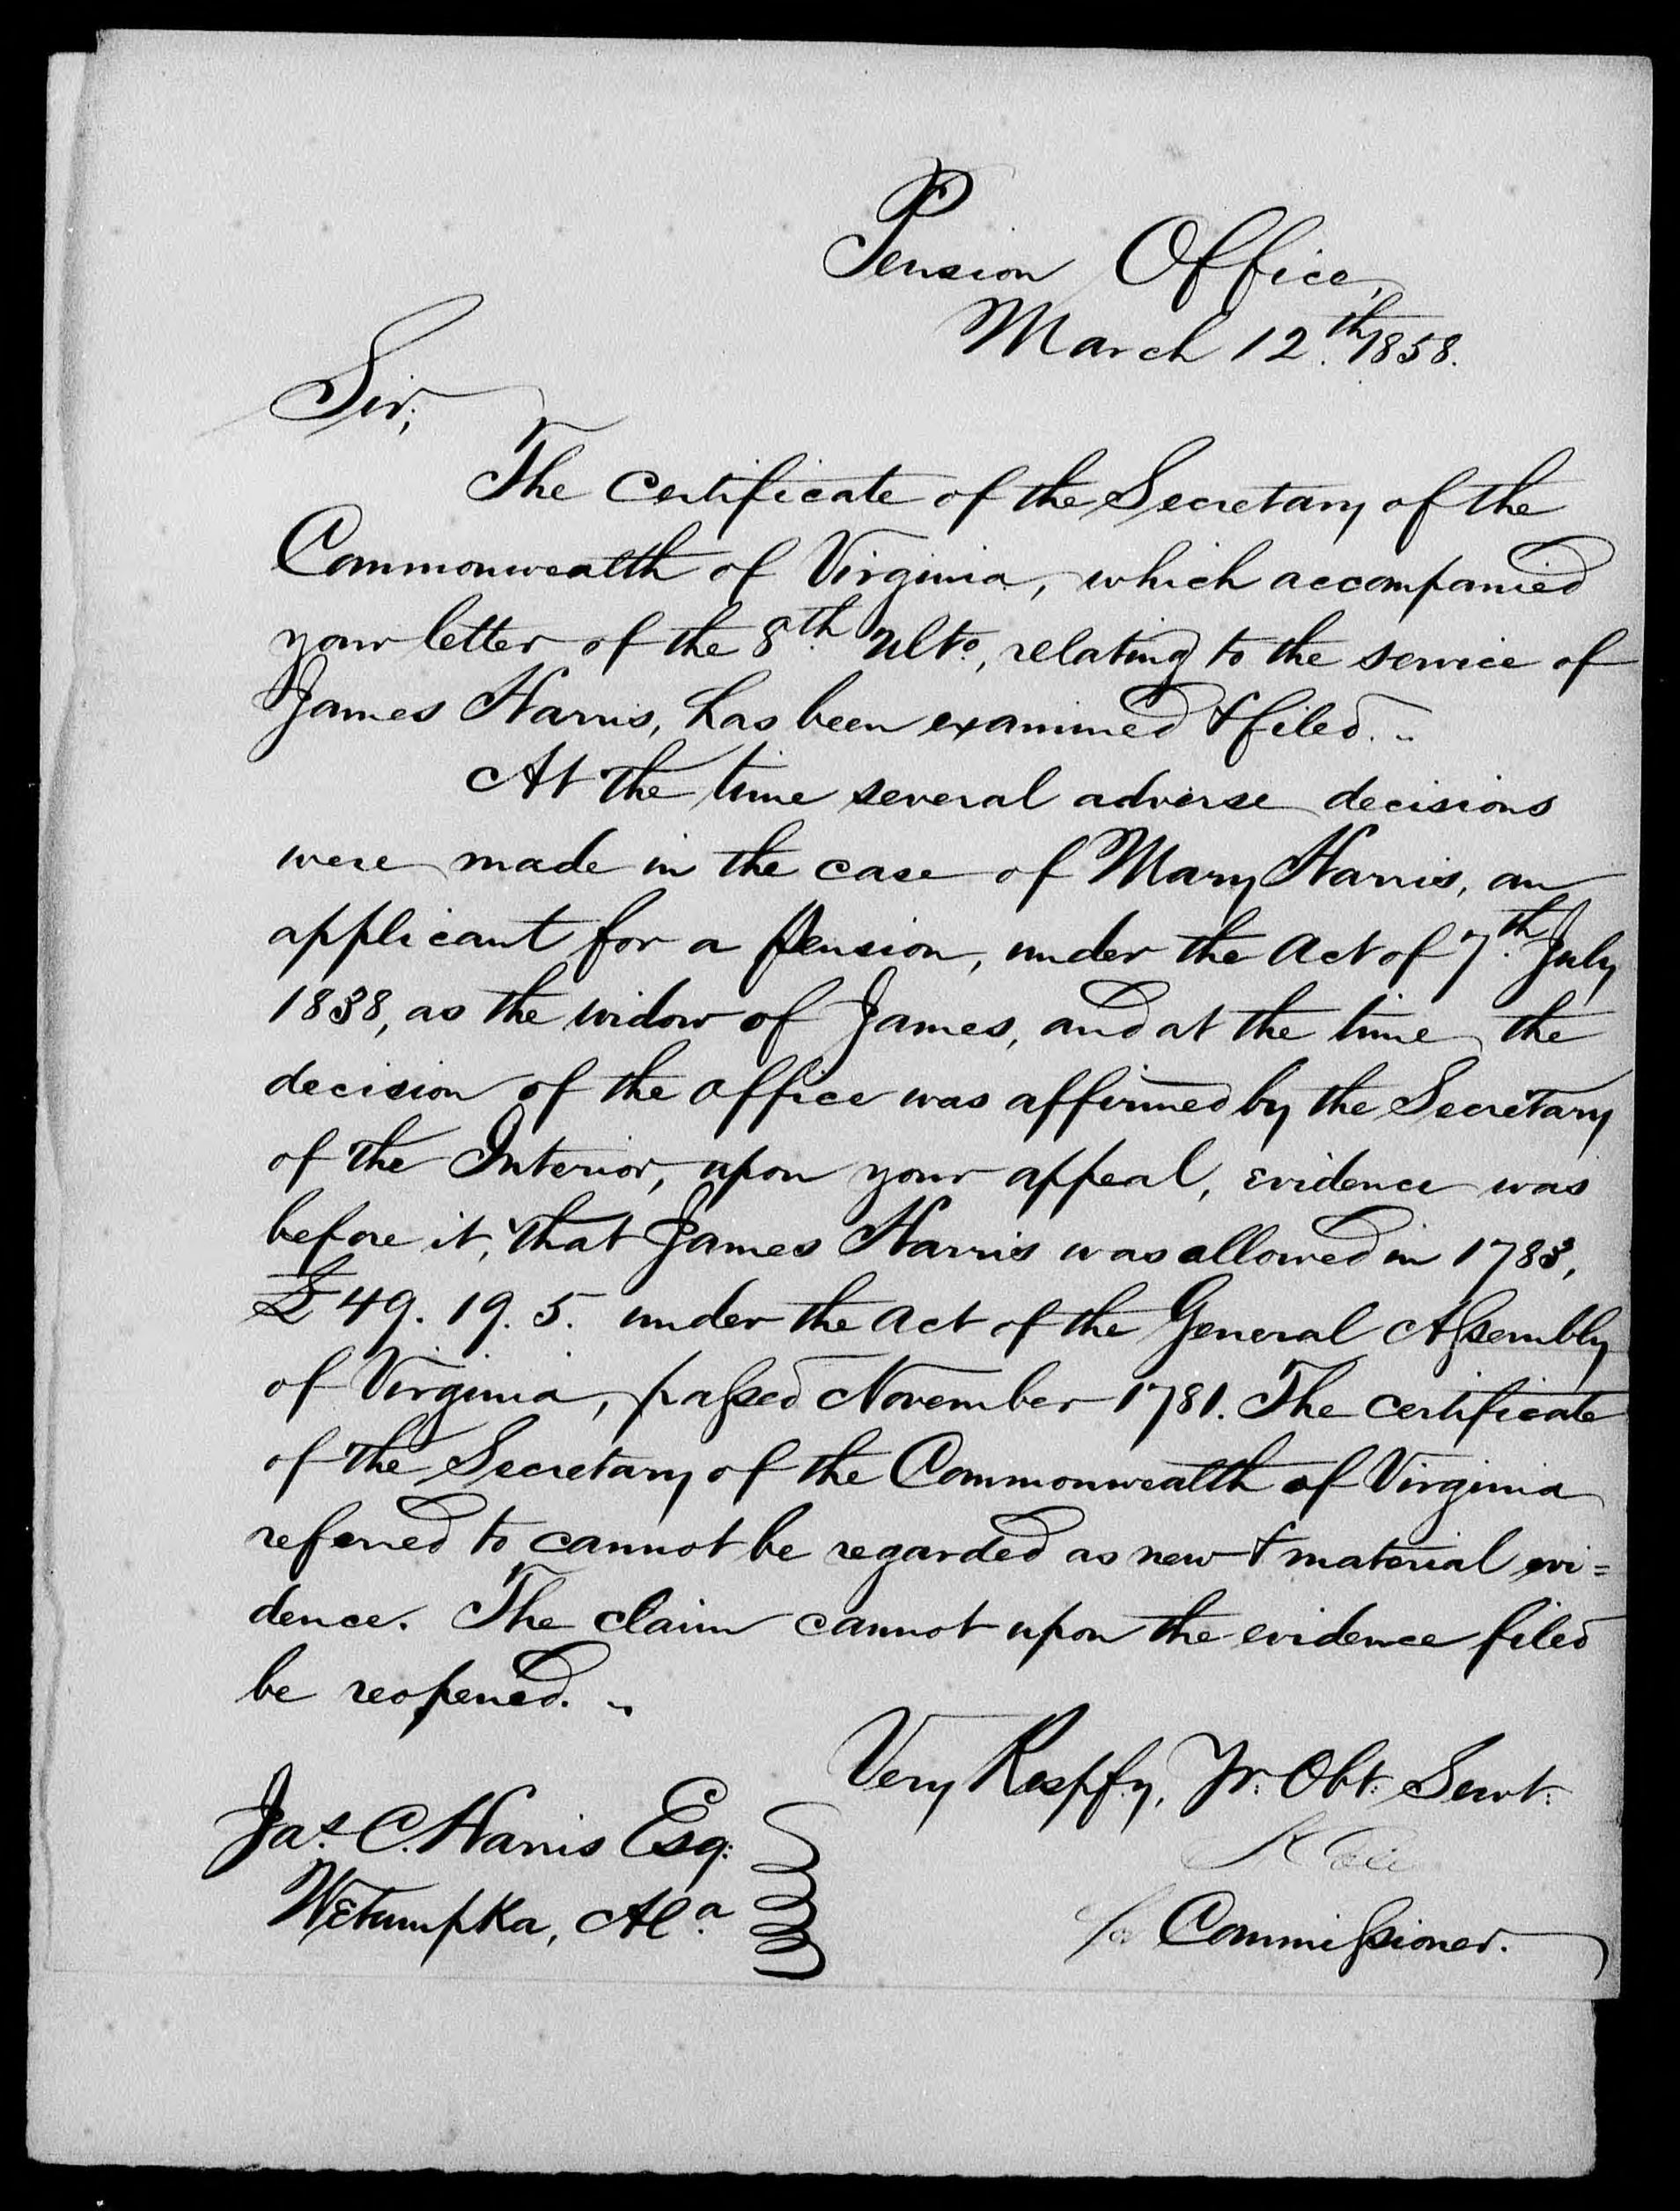Pension Office
March 12, 1858

Sir,
The certificate of the Secretary of the Commonwealth of Virginia, which accompanied your letter of the 8th ulte, relating to the service of James Harris, has been examined & filed.
At the time several adverse decisions were made in the case of Mary Harris, an applicant for a pension, under the Act of 7th July 1838, as the widow of James, and at the time the decision of the office was affirmed by the Secretary of the Interior, upon your appeal, evidence was before it, that James Harris was allowed in 1783 [pound sterling]49.19.5 under the Act of the General Assembly of Virginia, passed November1781.  The certificate of the Secretary of the Commonwealth of Virginia referred to cannot be regarded as new & material evidence.  The claim cannot upon the evidence filed be reopened.
Very Respfy Yr. Obt. Servt.
S. Cole
c/o Commissioner

Jas. C. Harris Esq  }
Wetumpka, Ala    }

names: S Cole, James Harris, James Harris, James, Jas C Harris, Mary Harris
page: 141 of 160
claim: rejected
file: R. 4666, James Harris, Va.